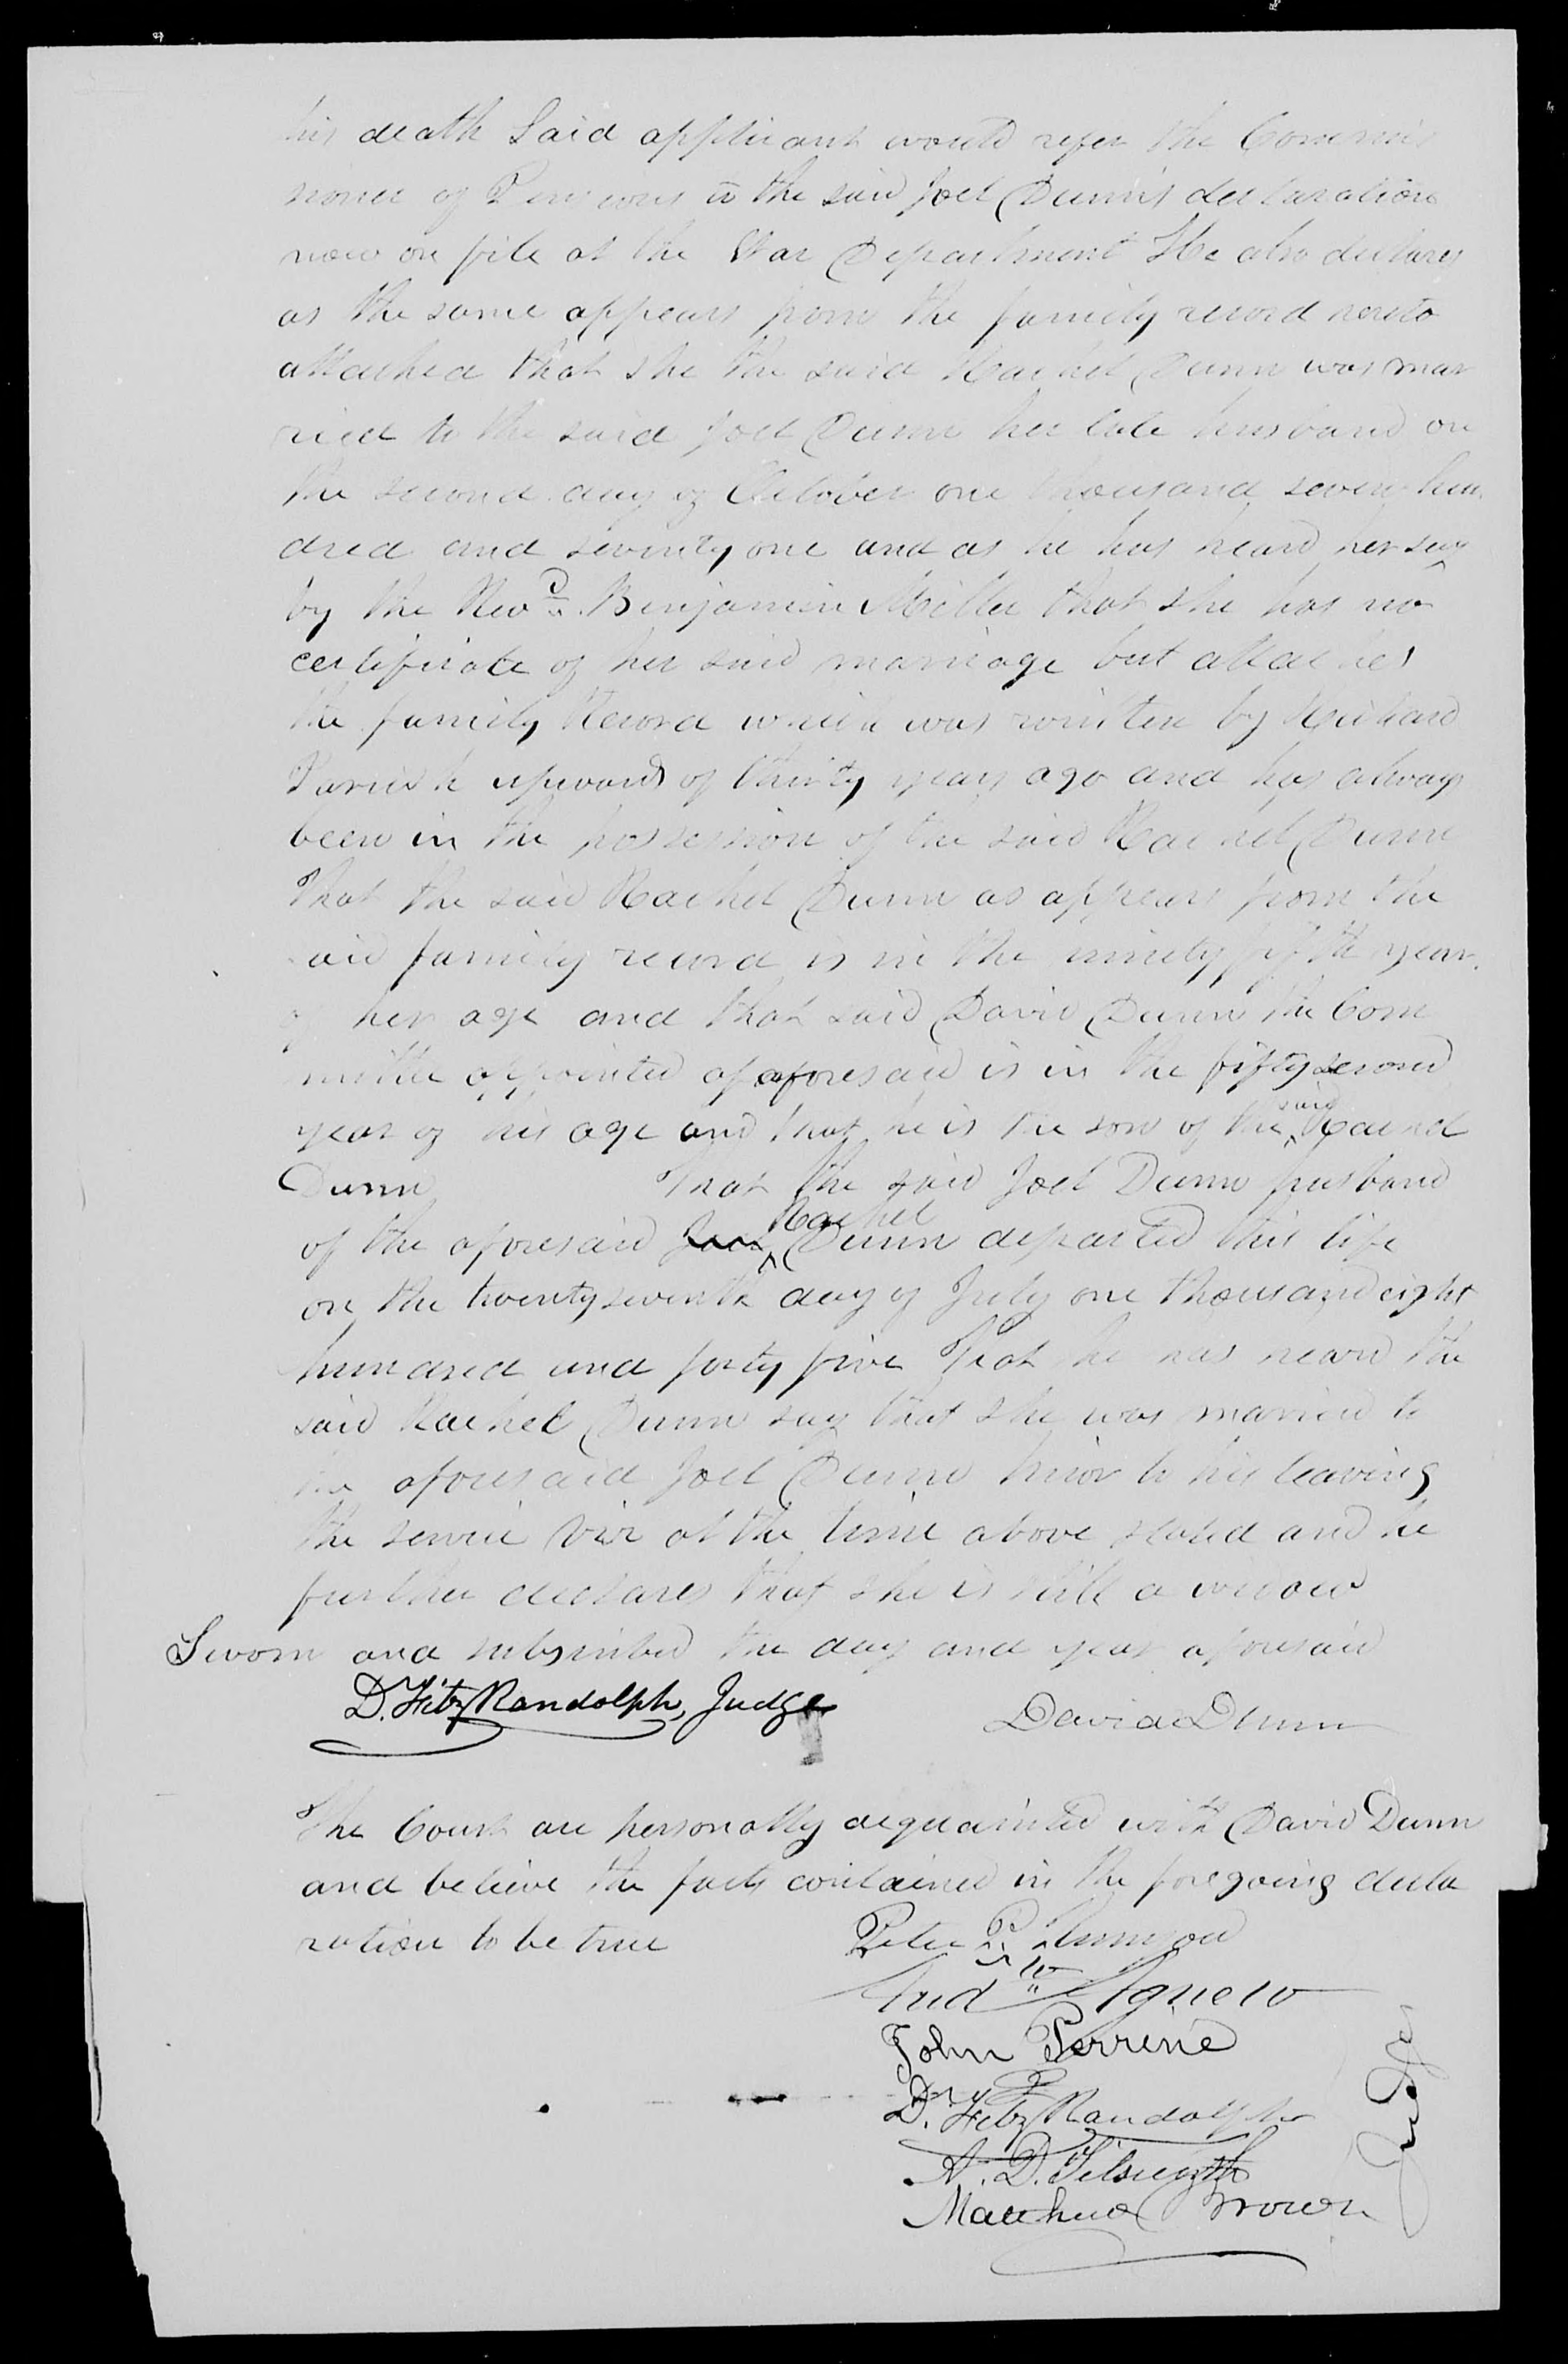his death said applicant would refer the Commissioner of Pensions to the said Joel Dunn's declaration now on file at the War Department   He also declares as the same appears from the family record hereto
attached that she the said Rachel Dunn was married to the said Joel Dunn her late husband on the second day of October one thousand seven hundred and seventy one and as he has heard her say by the Revd Benjamin Miller that she has no certificate of her said marriage but attaches the family record which was written by Richard Parrish upwards of thirty years ago and has always been in the possession of the said Rachel Dunn. That the said Rachel Dunn as appears from the old family  record is in the ninety fifth year of her age and that said David Dunn the Committee appointed of aforesaid is in the fifty second year of his age and that he is the son of the said Rachel Dunn. That the said Joel Dunn husband of the aforesaid ['Joel' crossed out] Rachel Dunn departed this life
on the twenty seventh day of July one thousand eight hundred and forty five.  That he has heard the said Rachel Dunn say that she was married to the aforesaid Joel Dunn prior to his leaving
the service viz at the time above stated and he
further declares that she is will a widow
David Dunn

Sworn and subscribed the day and year aforesaid
D. Fitz Randolph, Judge

The Court are personally acquainted with David Dunn and believe the facts contained in the foregoing declaration to be true
Peter P. Runyon
Andw. Agnew
John Perrine
D. Fitz Randolph
A.D. Filswith
Matthew Brown      }     Judges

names: Joel Dunn, D Fitz Randolph, Rachel Dunn, Rachel Dunn, A D Filswith, Matthew Brown, Joel Dunn, David Dunn, Joel Dunn, Joel Dunn, David Dunn, Andw Agnew, Rachel Dunn, John Perrine, Benjamin Miller, Rachel Dunn, Rachel Dunn, David Dunn, Peter P Runyon, Rachel Dunn, D Fitz Randolph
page: 18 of 52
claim: widow's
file: W. 919, Joel Dunn, New Jersey